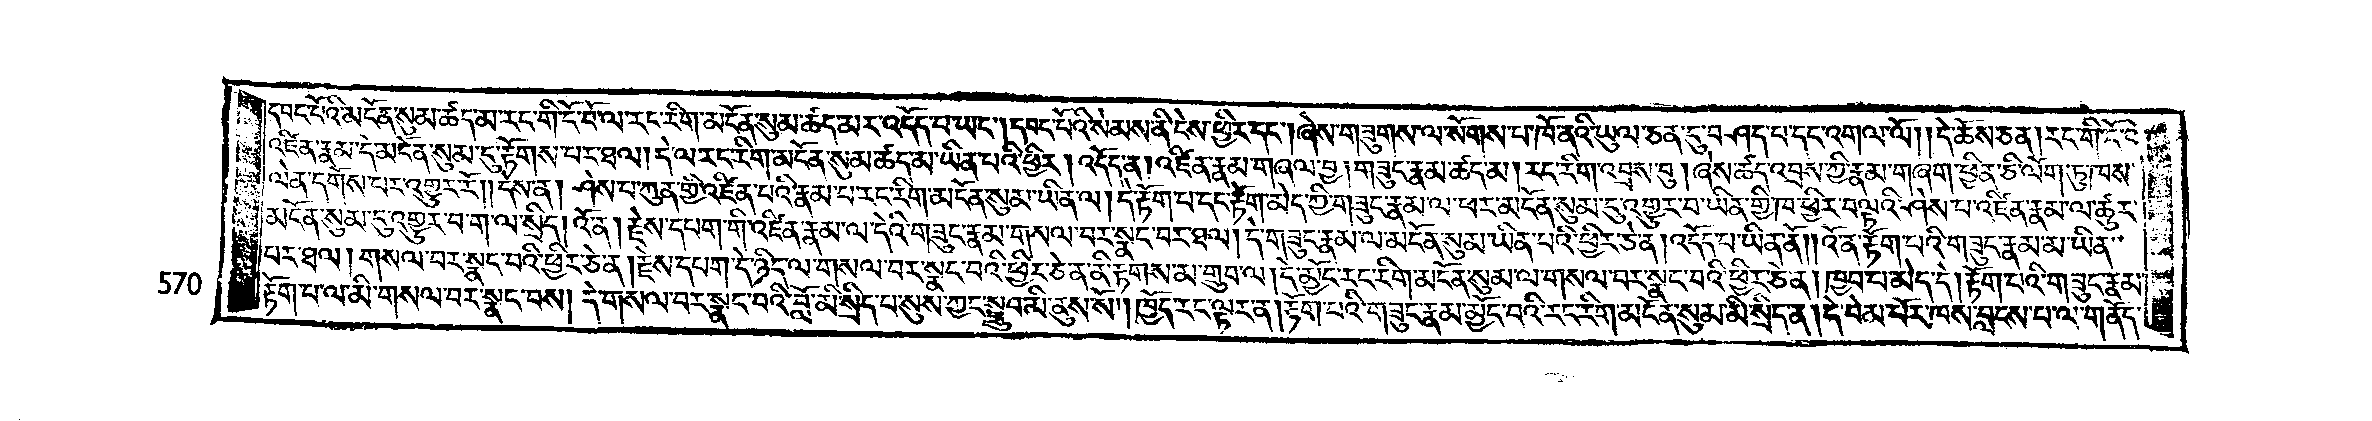དབང་པོའི་མངོན་སུམ་ཚད་མ་རང་གི་ངོ་བོ་ལ་རང་རིག་མངོན་སུམ་ཚད་མར་འདོད་པ་ཡང་། དབང་པོའི་སེམས་ནི་ངེས་ཕྱིར་དང་། ཞེས་གཟུགས་ལ་སོགས་པ་ཁོ་ནའི་ཡུལ་ཅན་དུ་བཤད་པ་དང་འགལ་ལོ། །དེ་ཆོས་ཅན། རང་གི་ངོ་བོ་
འཛིན་རྣམ་དེ་མངོན་སུམ་དུ་རྟོགས་པར་ཐལ། དེ་ལ་རང་རིག་མངོན་སུམ་ཚད་མ་ཡིན་པའི་ཕྱིར། འདོད་ན། འཛིན་རྣམ་གཞལ་བྱ། གཟུང་རྣམ་ཚད་མ། རང་རིག་འབྲས་བུ། ཞེས་ཚད་འབྲས་ཀྱི་རྣམ་གཞག་ཕྱིན་ཅི་ལོག་ཏུ་ཁས་
ལེན་དགོས་པར་འགྱུར་རོ། །དེས་ན། ཤེས་པ་ཀུན་གྱི་འཛིན་པའི་རྣམ་པ་རང་རིག་མངོན་སུམ་ཡིན་ལ། དེ་རྟོག་པ་དང་རྟོག་མེད་ཀྱི་གཟུང་རྣམ་ལ་ཕར་མངོན་སུམ་དུ་འགྱུར་བ་ཡིན་གྱི་ཁ་ཕྱིར་བལྟའི་ཤེས་པ་འཛིན་རྣམ་ལ་ཚུར་
མངོན་སུམ་དུ་འགྱུར་བ་ག་ལ་སྲིད། འོ་ན། རྗེས་དཔག་གི་འཛིན་རྣམ་ལ་དེའི་གཟུང་རྣམ་གསལ་བར་སྣང་བར་ཐལ། དེ་གཟུང་རྣམ་ལ་མངོན་སུམ་ཡིན་པའི་ཕྱིར་ཅེ་ན། འདོད་པ་ཡིན་ནོ། །འོ་ན་རྟོག་པའི་གཟུང་རྣམ་མ་ཡིན་
པར་ཐལ། གསལ་བར་སྣང་བའི་ཕྱིར་ཅེ་ན། རྗེས་དཔག་དེ་ཉིད་ལ་གསལ་བར་སྣང་བའི་ཕྱིར་ཅེ་ན་ནི་རྟགས་མ་གྲུབ་ལ། དེ་མྱོང་རང་རིག་མངོན་སུམ་ལ་གསལ་བར་སྣང་བའི་ཕྱིར་ཅེ་ན། ཁྱབ་པ་མེད་དེ། རྟོག་པའི་གཟུང་རྣམ་
རྟོག་པ་ལ་མི་གསལ་བར་སྣང་བས། དེ་གསལ་བར་སྣང་བའི་བློ་མི་སྲིད་པ་སུས་ཀྱང་སྒྲུབ་མི་ནུས་སོ། །ཁྱོད་རང་ལྟར་ན། རྟོག་པའི་གཟུང་རྣམ་མྱོང་བའི་རང་རིག་མངོན་སུམ་མི་སྲིད་ན། དེ་བེམ་པོར་ཁས་བླངས་པ་ལ་གནོད་